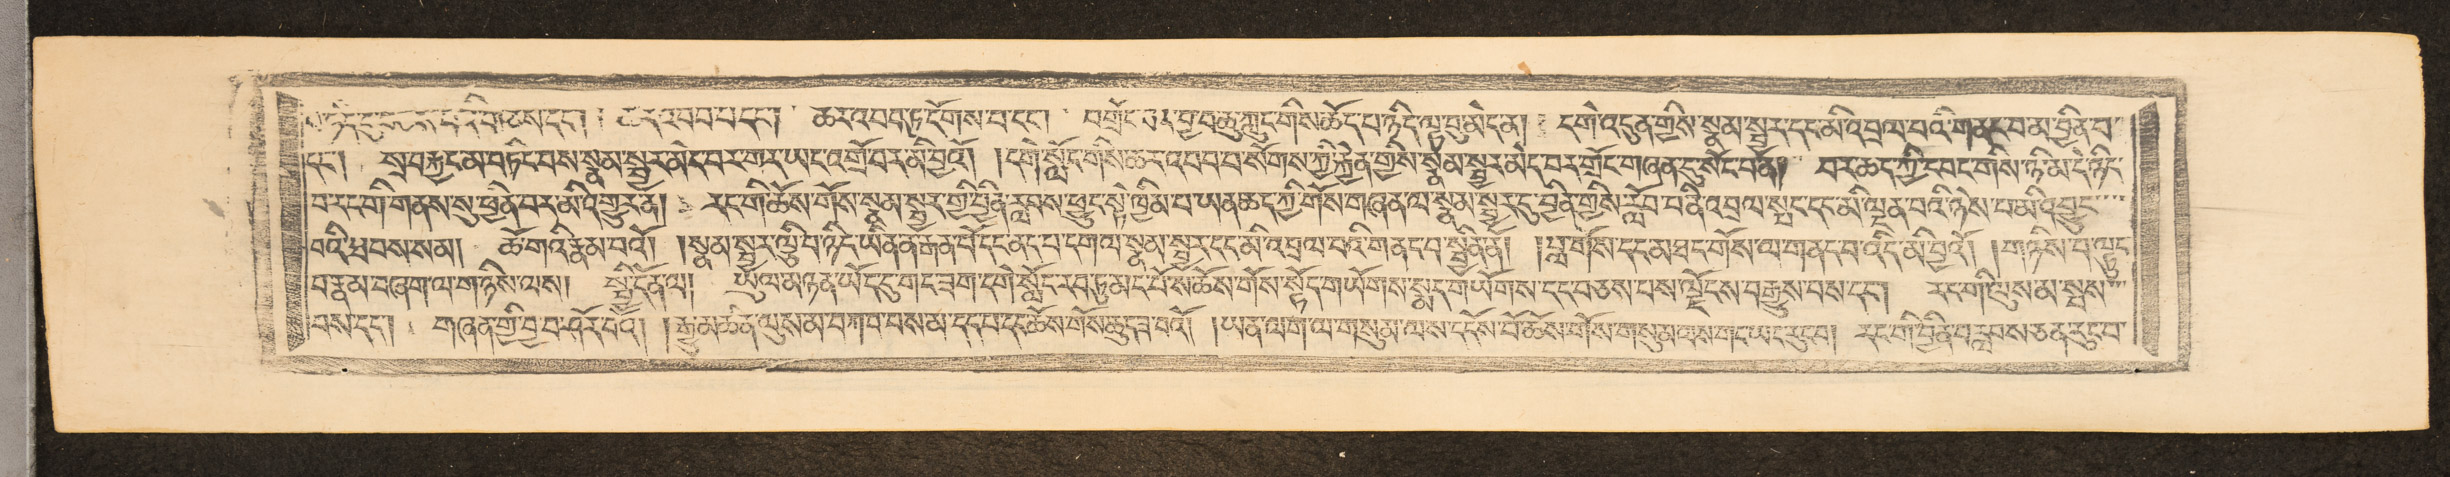པ་ཉིད་དུ་བཅས་པའི་གནས་དང་། ཆར་འབབ་པ་དང་། ཆར་འབབ་ཏུ་དོགས་པ་དང་། བགྲོད་པར་བྱ་བ་ཆུ་ཀླུང་གིས་ཆོད་པ་ཉིད་ལྟ་བུ་མེད་ན། དགེ་འདུན་གྱིས་སྣམ་སྦྱར་དང་མི་འབྲལ་པའི་གནང་བ་མ་བྱིན་པ་
དང་། སྲ་བརྐྱང་མ་བཏིང་བས་སྣམ་སྦྱར་མེད་པར་གར་ཡང་འགྲོ་བར་མི་བྱའོ། །དགེ་སློང་གིས་ཆར་འབབ་པ་སོགས་ཀྱི་རྐྱེན་གྱིས་སྣམ་སྦྱར་མེད་པར་གྲོང་གཞན་དུ་སོང་བ་ན། བར་ཆད་ཀྱི་དབང་གིས་ཉི་མ་དེ་ཉིད་
ལ་རང་གི་གནས་སུ་ཕྱིན་པར་མི་འགྱུར་ན། རང་གི་ཆོས་གོས་སྣམ་སྦྱར་གྱི་བྱིན་རླབས་ཕྱུང་སྟེ་ཁྱིམ་པ་ཡན་ཆད་ཀྱི་གོས་གཞན་ལ་སྣམ་སྦྱར་དུ་བྱིན་གྱིས་རློབ་པ་ནི་འབྲལ་སྤང་དང་མི་ལྡན་པའི་ཉེས་པ་མི་འབྱུང་
པའི་ཐབས་སམ། ཆོ་གའི་རྣམ་པའོ། །སྣམ་སྦྱར་ལྕི་བ་ཉིད་ཡིན་ན་རྒན་པོ་དང་ནད་པ་དག་ལ་སྣམ་སྦྱར་དང་མི་འབྲལ་བའི་གནང་བ་སྦྱིན་ནོ། །བླ་གོས་དང་མཐང་གོས་ལ་གནང་བ་འདི་མི་བྱའོ། །གཉིས་པ་ལྟུང་
བ་རྣམ་བཞག་ལ་གཉིས་ལས། སྤྱི་དོན་ལ། ཡུལ་མཉན་ཡོད་དུ་གང་ཟག་དགེ་སློང་རབ་ཏུ་མང་པོས་ཆོས་གོས་སྟོད་གཡོགས་སྨད་གཡོགས་དང་བཅས་པས་ལྗོངས་བརྒྱུས་པས་དང་། རང་གི་ལུས་མ་སྦས་
བས་དང་། གཞན་གྱི་བྱ་བ་ཤོར་བའོ། །རྒྱུ་མཚན་ལུས་མ་བཀབ་པས་མ་དད་པ་དང་ཆོས་གོས་ཆུད་ཟ་བའོ། །ཡན་ལག་ལ་གསུམ་ལས་དངོས་པོ་ཆོས་གོས་གསུམ་ལས་གང་ཡང་རུང་བ། རང་གི་བྱིན་བརླབས་ཅན་རུང་བ་